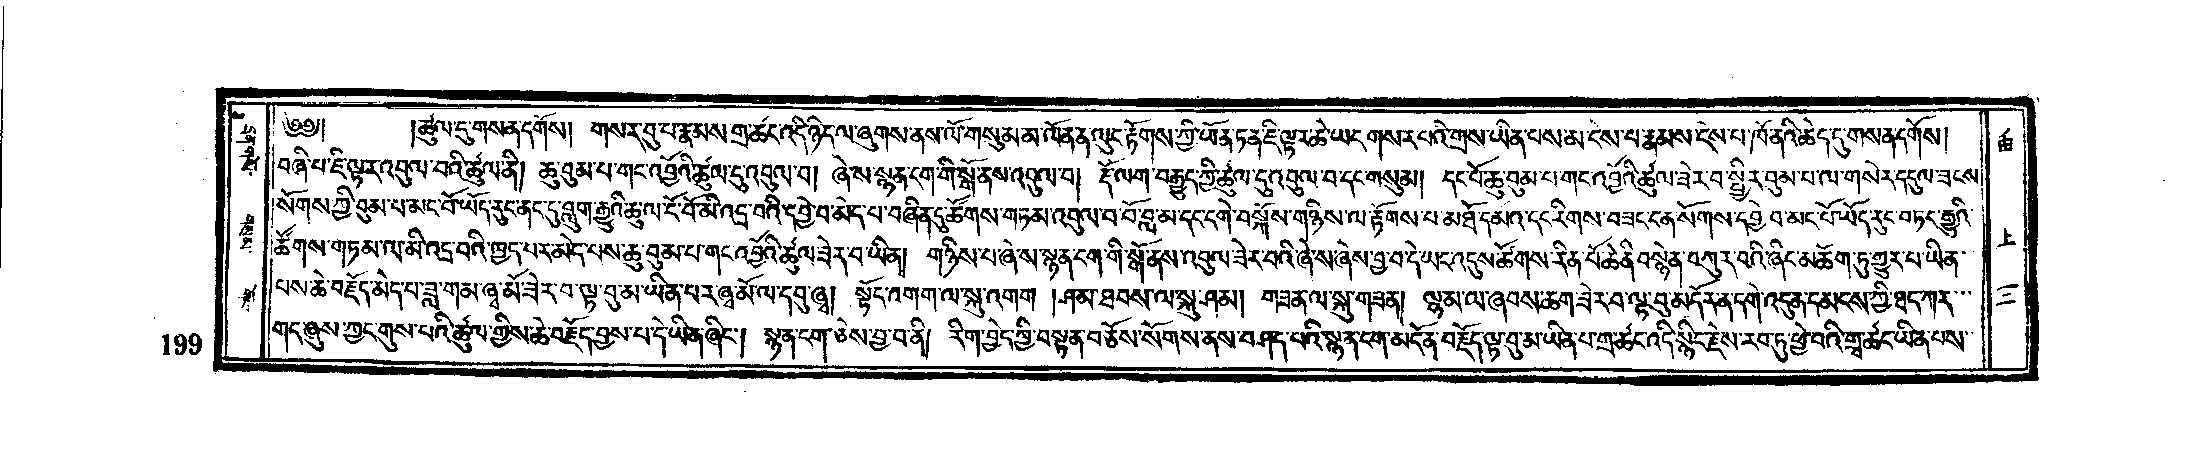༄༅། །ཚུལ་དུ་གསན་དགོས། གསར་བུ་པ་རྣམས་གྲ་ཚང་འདི་ཉིད་ལ་ཞུགས་ནས་ལོ་གསུམ་མ་ལོན་ན་ལུང་རྟོགས་ཀྱི་ཡོན་ཏན་ཇི་ལྟར་ཆེ་ཡང་གསར་པའི་གྲས་ཡིན་པས་མ་ངེས་པ་རྣམས་ངེས་པ་ཁོ་ནའི་ཆེད་དུ་གསན་དགོས།
བཞི་པ་ཇི་ལྟར་འབུལ་བའི་ཚུལ་ནི། ཆུ་བུམ་པ་གང་འབྱོའི་ཚུལ་དུ་འབུལ་བ། ཞེ་ས་སྙན་ངག་གི་སྒོ་ནས་འབུལ་བ། རྡོ་ལག་བརྒྱུད་ཀྱི་ཚུལ་དུ་འབུལ་བ་དང་གསུམ། དང་པོ་ཆུ་བུམ་པ་གང་འབྱོའི་ཚུལ་ཟེར་བ་སྤྱིར་བུམ་པ་ལ་གསེར་དངུལ་ཟངས་
སོགས་ཀྱི་བུམ་པ་མང་པོ་ཡོད་རུང་ནང་དུ་བླུག་རྒྱུའི་ཆུ་ལ་ངོ་བོ་མི་འདྲ་བའི་དབྱེ་བ་མེད་པ་བཞིན་དུ་ཚོགས་གཏམ་འབུལ་བ་པོ་བླ་མ་དང་དགེ་བསྐོས་གཉིས་ལ་རྟོགས་པ་མཐོ་དམའ་དང་རིགས་བཟང་ངན་སོགས་དབྱེ་བ་མང་པོ་ཡོད་རུང་བཏང་རྒྱུའི་
ཚོགས་གཏམ་ལ་མི་འདྲ་བའི་ཁྱད་པར་མེད་པས་ཆུ་བུམ་པ་གང་འབྱོའི་ཚུལ་ཟེར་བ་ཡིན། གཉིས་པ་ཞེ་ས་སྙན་ངག་གི་སྒོ་ནས་འབུལ་ཟེར་བའི་ཞེ་ས་ཞེས་བྱ་བ་དེ་ཡང་འདུས་ཚོགས་རིན་པོ་ཆེ་ནི་བསྙེན་བཀུར་བའི་ཞིང་མཆོག་ཏུ་གྱུར་པ་ཡིན་
པས་ཆེ་བརྗོད་མེད་པ་ཟླ་གམ་ཞྭ་མོ་ཟེར་བ་ལྟ་བུ་མ་ཡིན་པར་ཞྭ་མོ་ལ་དབུ་ཞྭ། སྟོང་འགག་ལ་སྐུ་འགག །ཤམ་ཐབས་ལ་སྐུ་ཤམ། གཟན་ལ་སྐུ་གཟན། ལྷམ་ལ་ཞབས་ཆག་ཟེར་བ་ལྟ་བུ་མདོར་ན་དགེ་འདུན་དམངས་ཀྱི་ཐད་ཀར་
གང་ཞུས་ཀྱང་གུས་པའི་ཚུལ་གྱིས་ཆེ་བརྗོད་བྱས་པ་དེ་ཡིན་ཞིང་། སྙན་ངག་ཅེས་བྱ་བ་ནི། རིག་བྱེད་ཀྱི་བསྟན་བཅོས་སོགས་ནས་བཤད་པའི་སྙན་ངག་མངོན་བརྗོད་ལྟ་བུ་མ་ཡིན་པ་གྲ་ཚང་འདི་སྙིང་རྗེས་རབ་ཏུ་ཕྱེ་བའི་གྲྭ་ཚང་ཡིན་པས་